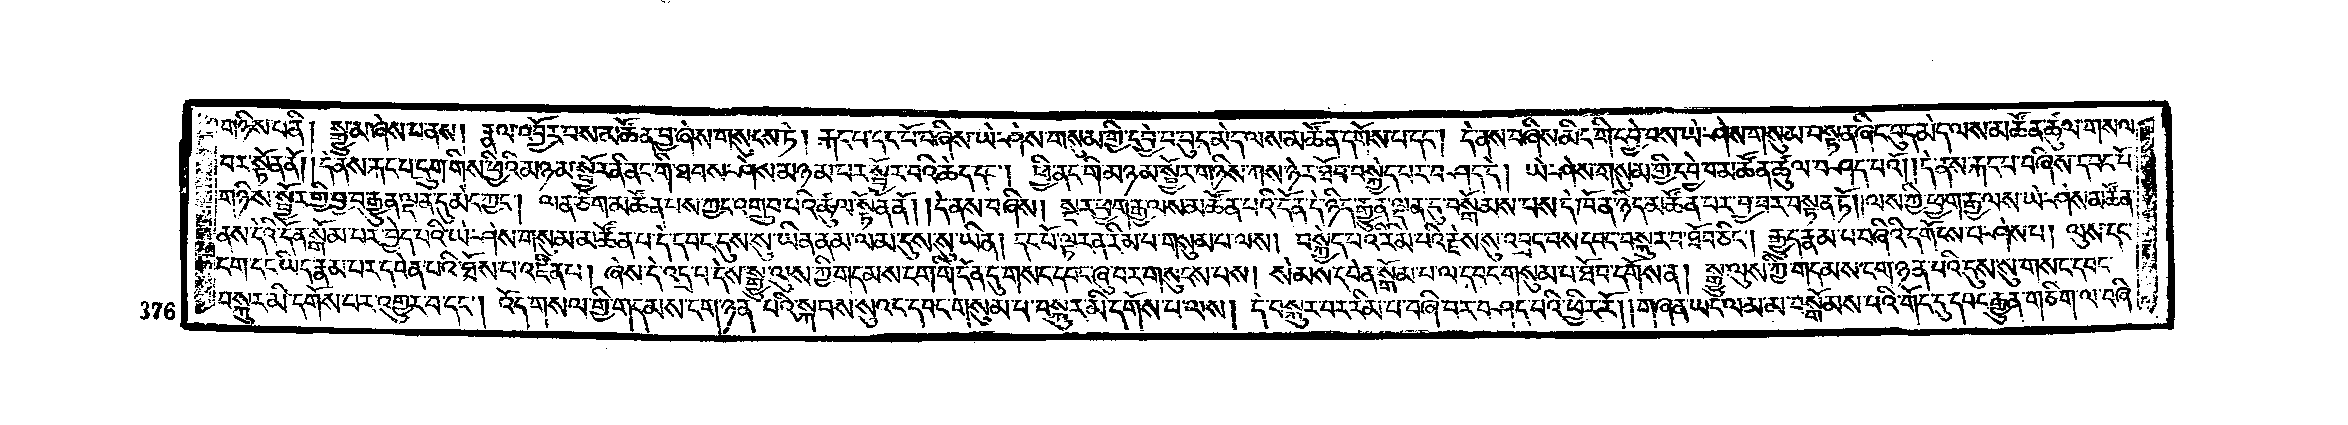གཉིས་པ་ནི། སྒྱུ་མ་ཞེས་པ་ནས། རྣལ་འབྱོར་པས་མཚོན་བྱ་ཞེས་གསུངས་ཏེ། རྐང་པ་དང་པོ་བཞིས་ཡེ་ཤེས་གསུམ་གྱི་དབྱེ་བ་བུད་མེད་ལས་མཚོན་དགོས་པ་དང་། དེ་ནས་བཞིས་མིང་གི་དབྱེ་བས་ཡེ་ཤེས་གསུམ་བསྟན་ཞིང་བུད་མེད་ལས་མཚོན་ཚུལ་གསལ་
བར་སྟོན་ནོ། །དེ་ནས་རྐང་པ་དྲུག་གིས་ཕྱིའི་མཉམ་སྦྱོར་ནི་ནང་གི་ཐབས་ཤེས་མཉམ་པར་སྦྱོར་བའི་ཆེད་དང་། ཕྱི་ནང་གི་མཉམ་སྦྱོར་གཉིས་ཀས་ཉེར་ཐོབ་བསྐྱེད་པར་བཤད་དེ། ཡེ་ཤེས་གསུམ་གྱི་དབྱེ་བ་མཚོན་ཚུལ་བཤད་པའོ། །དེ་ནས་རྐང་པ་བཞིས་དབང་པོ་
གཉིས་སྦྱོར་གྱི་བྱ་བ་རྒྱུན་ལྡན་དུ་མེད་ཀྱང་། ལན་ཅིག་མཚོན་པས་ཀྱང་འགྲུབ་པའི་ཚུལ་སྟོན་ནོ། །དེ་ནས་བཞིས། སྔར་ཕྱག་རྒྱ་ལས་མཚོན་པའི་དོན་དེ་ཉིད་རྒྱུན་ལྡན་དུ་བསྒོམས་པས་དེ་ཁོ་ན་ཉིད་མཚོན་པར་བྱ་བར་བསྟན་ཏོ། །ལས་ཀྱི་ཕྱག་རྒྱ་ལས་ཡེ་ཤེས་མཚོན་
ནས་དེའི་དོན་སྒོམ་པར་བྱེད་པའི་ཡེ་ཤེས་གསུམ་མཚོན་པ་དེ་དབང་དུས་སུ་ཡིན་ནམ་ལམ་དུས་སུ་ཡིན། དང་པོ་ལྟར་ན་རིམ་པ་གསུམ་པ་ལས། བསྐྱེད་པའི་རིམ་པའི་རྗེས་སུ་འབྲང་བས་དབང་བསྐུར་བ་ཐོབ་ཅིང་། རྒྱུད་རྣམ་པ་བཞིའི་དགོངས་པ་ཤེས་པ། ལུས་དང་
ངག་དང་ཡིད་རྣམ་པར་དབེན་པའི་ཐོས་པ་འཛིན་པ། ཞེས་དེ་འདྲ་བ་དེས་སྒྱུ་ལུས་ཀྱི་གདམས་ངག་གི་དོན་དུ་གསང་དབང་ཞུ་བར་གསུངས་པས། སེམས་དབེན་སྒོམ་པ་ལ་དབང་གསུམ་པ་ཐོབ་དགོས་ན། སྒྱུ་ལུས་ཀྱི་གདམས་ངག་ཉན་པའི་དུས་སུ་གསང་དབང་
བསྐུར་མི་དགོས་པར་འགྱུར་བ་དང་། འོད་གསལ་གྱི་གདམས་ངག་ཉན་པའི་སྐབས་སུའང་དབང་གསུམ་པ་བསྐུར་མི་དགོས་པ་ལས། དེ་བསྐུར་བར་རིམ་པ་བཞི་བར་བཤད་པའི་ཕྱིར་རོ། །གཞན་ཡང་ལམ་མ་བསྒོམས་པའི་གོང་དུ་དབང་རྒྱུན་གཅིག་ལ་བཞི་